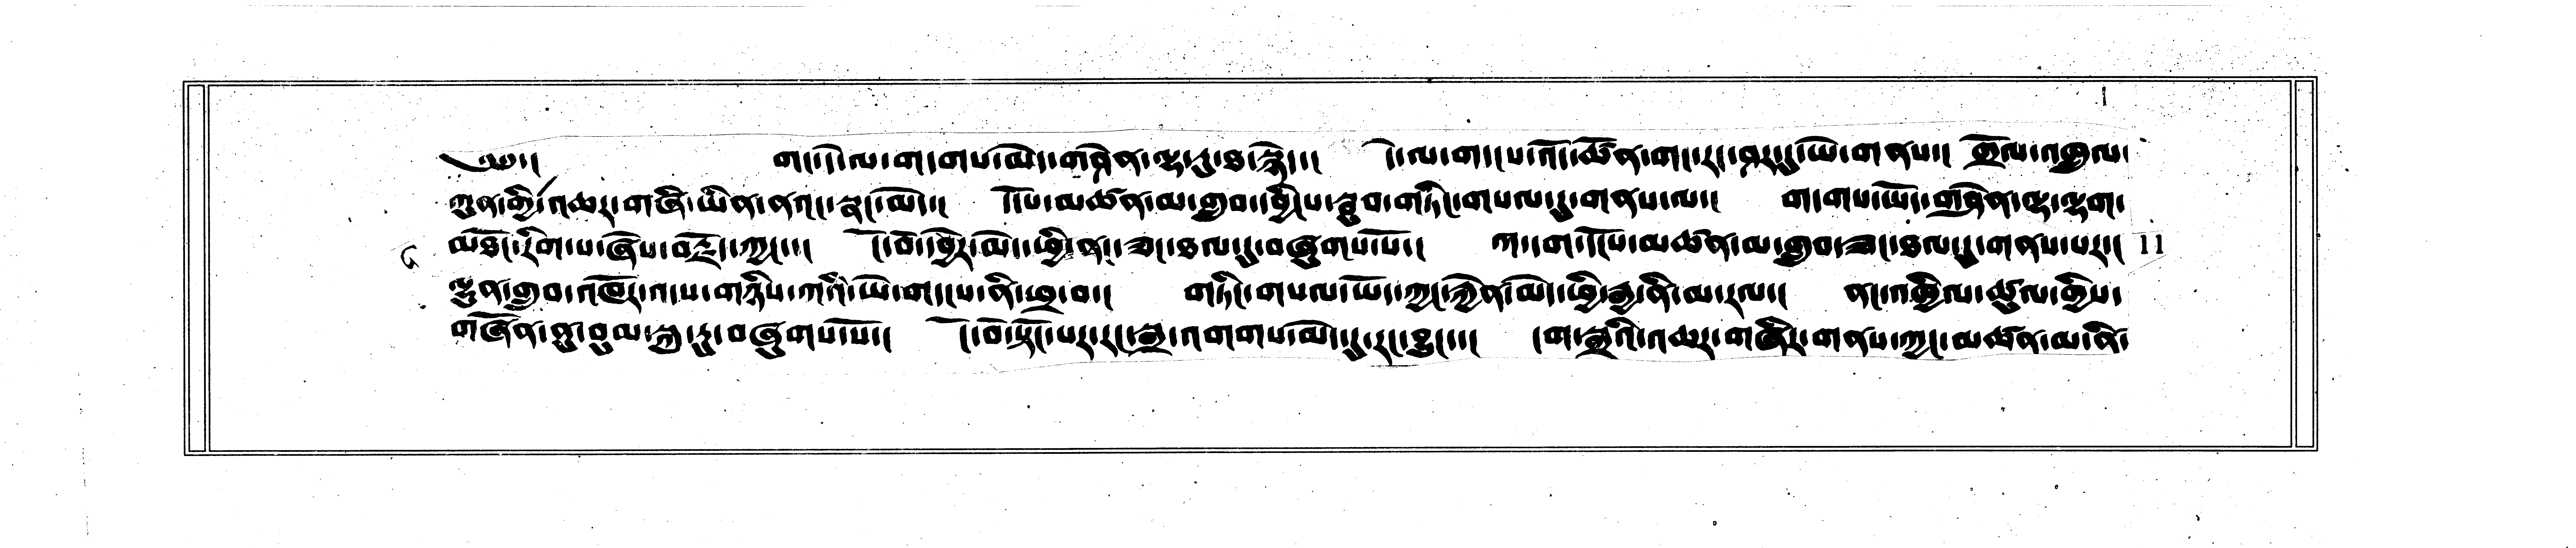གང་དེ་ལ་གདགས་མེད་གཤེན་ལྷ་རུ་ཐ་སྙད། །དེ་ལ་གདངས་འོད་ཚོན་གང་རང་ཤར་དུ་ཡེ་གནས། །གྲོལ་འཁྲུལ་
ཀུན་གྱི་འཆར་གཞི་ཡིན་ནའང་སྣང་མོད། །དངོས་མཚན་མ་གྲུབ་དབྱིངས་སྦུབས་གཏིང་གསལ་དུ་གནས་ལ། །གདགས་ཡོད་གཤེན་ལྷ་ལྷག་
མཐོང་རིག་པ་ཞེས་བརྗོད་ཀྱང་། ངོ་བོ་དབྱེར་མེད་ཕྱི་ནང་ཟང་ཐལ་དུ་བཞུགས་སོ། །ཀ་དག་དངོས་མཚན་མ་གྲུབ་ཟང་ཐལ་དུ་གནས་པར། 
།ལྷུན་གྲུབ་འཁོར་འདས་གཉིས་ཀའི་ཡེ་གདངས་ནི་ཕྲ་བ། །གཏིང་གསལ་ཡོད་ཀྱང་རྐྱེན་མེད་ཕྱི་རྒྱ་ནི་མ་རལ། །ནང་འཁྱིལ་ཚུལ་གྱིས་
གཞོན་ནུ་བུམ་སྐུ་རུ་བཞུགས་སོ། །ངོ་བོ་སྟོང་པར་རང་སྒྲ་འགག་མེད་དུ་རང་བྱུང་། །ངག་སྒྲའི་འཆར་གཞིར་གནས་ཀྱང་མཚན་མ་ནི་